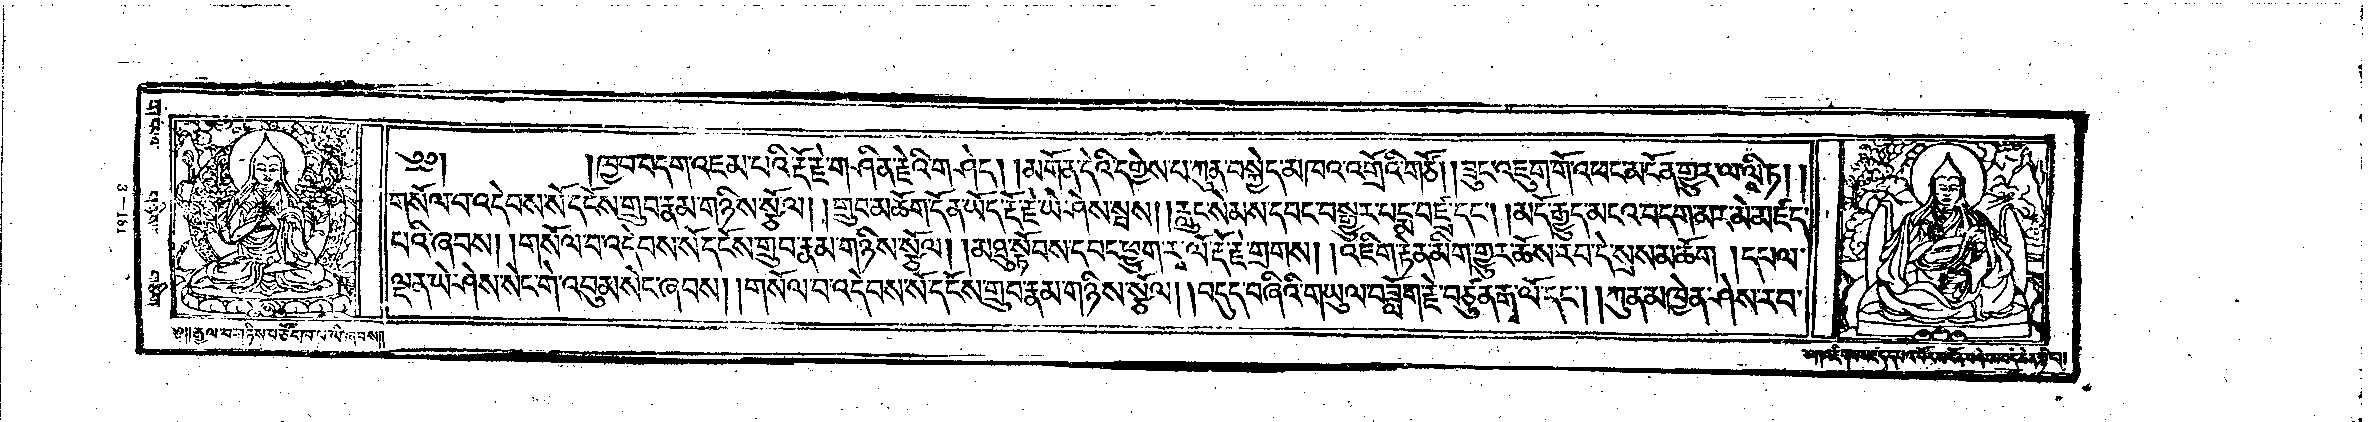༄༅། །ཁྱབ་བདག་འཇམ་པའི་རྡོ་རྗེ་གཤིན་རྗེའི་གཤེད། །མགོན་དེའི་དགྱེས་པ་ཀུན་བསྐྱེད་མཁའ་འགྲོའི་གཙོ། །ཟུང་འཇུག་གོ་འཕང་མངོན་གྱུར་ལ་ལཱིཏ།།
གསོལ་བ་འདེབས་སོ་དངོས་གྲུབ་རྣམ་གཉིས་སྩོལ། །གྲུབ་མཆོག་དོན་ཡོད་རྡོ་རྗེ་ཡེ་ཤེས་སྦས། །རླུང་སེམས་དབང་བསྒྱུར་པདམ་བཛྲ་དང་། །མདོ་རྒྱུད་མངའ་བདག་མར་མེ་མཛད་
པའི་ཞབས། །གསོལ་བ་འདེབས་སོ་དངོས་གྲུབ་རྣམ་གཉིས་སྩོལ། །མཐུ་སྟོབས་དབང་ཕྱུག་རྭ་ལོ་རྡོ་རྗེ་གྲགས། །འཇིག་རྟེན་མིག་གྱུར་ཆོས་རབ་དེ་སྲས་མཆོག །དཔལ་
ལྡན་ཡེ་ཤེས་སེང་གེ་འབུམ་སེང་ཞབས། །གསོལ་བ་འདེབས་སོ་དངོས་གྲུབ་རྣམ་གཉིས་སྩོལ། །བདུད་བཞིའི་གཡུལ་བཟློག་རྗེ་བཙུན་རྒྭ་ལོ་དང་། །ཀུན་མཁྱེན་ཤེས་རབ་